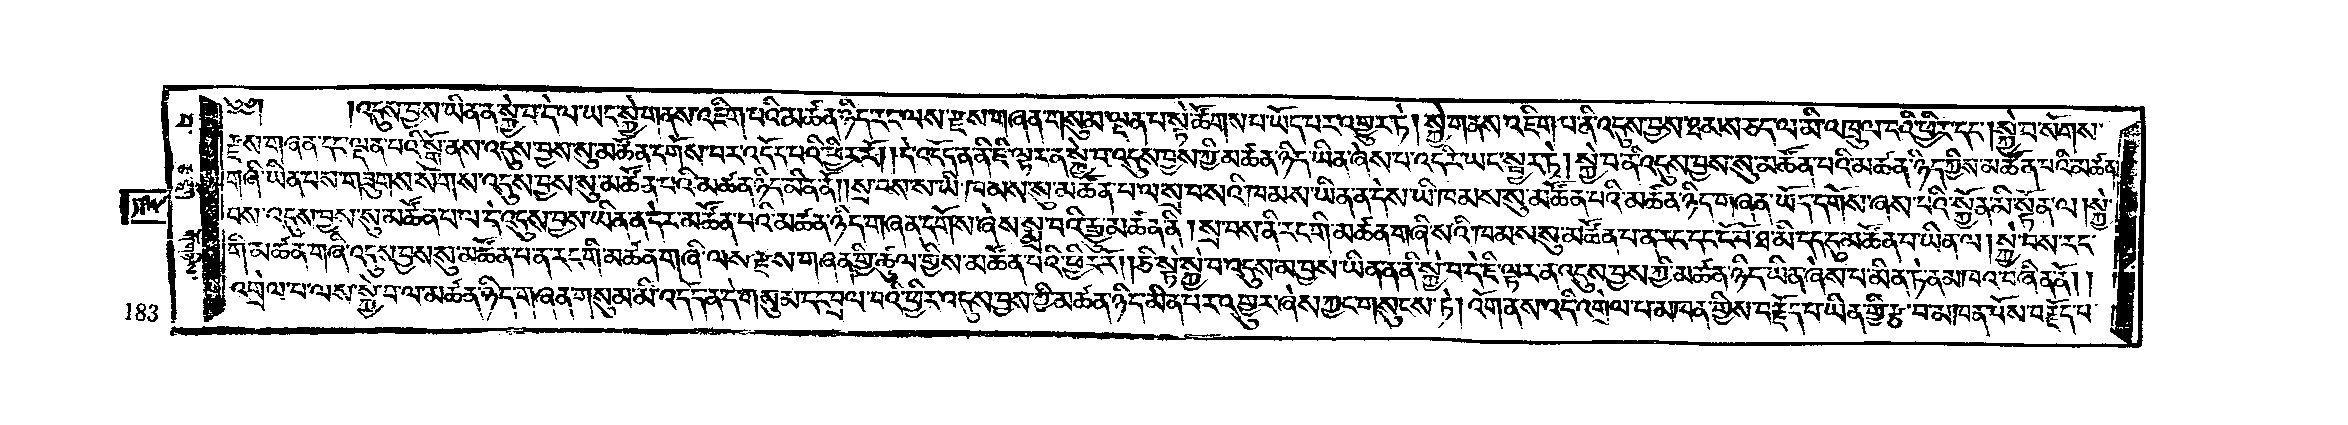༄༅། །འདུས་བྱས་ཡིན་ན་སྐྱེ་བ་དེ་ལ་ཡང་སྐྱེ་གནས་འཇིག་པའི་མཚན་ཉིད་རང་ལས་རྫས་གཞན་གསུམ་ལྡན་པ་སྟེ་ཚོགས་པ་ཡོད་པར་འགྱུར་ཏེ། སྐྱེ་གནས་འཇིག་པ་ནི་འདུས་བྱས་ཐམས་ཅད་ལ་མི་འཁྲུལ་པའི་ཕྱིར་དང་། སྐྱེ་བ་སོགས་
རྫས་གཞན་དང་ལྡན་པའི་སྒོ་ནས་འདུས་བྱས་སུ་མཚན་དགོས་པར་འདོད་པའི་ཕྱིར་རོ། །དེ་འདོད་ན་ནི་ཇི་ལྟར་ན་སྐྱེ་བ་འདུས་བྱས་ཀྱི་མཚན་ཉིད་ཡིན་ཞེས་པ་འདིར་ཡང་སྦྱར་ཏེ། སྐྱེ་བ་ནི་འདུས་བྱས་སུ་མཚོན་པའི་མཆན་ཉིད་ཀྱིས་མཚན་པའི་མཆན་
གཞི་ཡིན་པས་གཟུགས་སོགས་འདུས་བྱས་སུ་མཚོན་པའི་མཆན་ཉིད་མིན་ནོ། །སྲ་བས་ས་ཡི་ཁམས་སུ་མཚོན་པ་ལ་སྲ་བ་སའི་ཁམས་ཡིན་ན་དེ་ས་ཡི་ཁམས་སུ་མཚོན་པའི་མཚན་ཉིད་གཞན་ཡོད་དགོས་ཞས་པའི་སྐྱོན་མི་སྟོན་ལ། སྐྱེ་
བས་འདུས་བྱས་སུ་མཚན་པ་ལ་དེ་འདུས་བྱས་ཡིན་ན་དེར་མཚོན་པའི་མཆན་ཉིད་གཞན་དགོས་ཞེས་སྨྲ་པའི་རྒྱུ་མཚན་ནི། སྲ་བས་ནི་རང་གི་མཚན་གཞི་སའི་ཁམས་སུ་མཚོན་པ་ན་རང་དང་ངོ་བོ་ཐ་མི་དད་དུ་མཚོན་པ་ཡིན་ལ། སྐྱེ་བས་རང་
གི་མཆན་གཞི་འདུས་བྱས་སུ་མཚོན་པ་ན་རང་གི་མཚན་གཞི་ལས་རྫས་གཞན་གྱི་ཚུལ་གྱིས་མཚོན་པའི་ཕྱིར་རོ། །ཅི་སྟེ་སྐྱེ་བ་འདུས་མ་བྱས་ཡིན་ན་ནི་སྐྱེ་བ་དེ་ཇི་ལྟར་ན་འདུས་བྱས་ཀྱི་མཚན་ཉིད་ཡིན་ཞེས་པ་མིན་ཏེ་ནམྨྑའ་བཞིན་ནོ། །
འགྲེལ་པ་ལས་སྐྱེ་བ་ལ་མཆན་ཉིད་གཞན་གསུམ་མི་འདོད་ན་དེ་གསུམ་དང་བྲལ་བའི་ཕྱིར་འདུས་བྱས་ཀྱི་མཆན་ཉིད་མིན་པར་འགྱུར་ཞེས་ཀྱང་གསུངས་ཏེ། འོག་ནས་འདི་འགྲེལ་པ་མཁན་གྱིས་བརྗོད་པ་ཡིན་གྱི་རྩ་བ་མཁན་པོས་བརྗོད་པ་